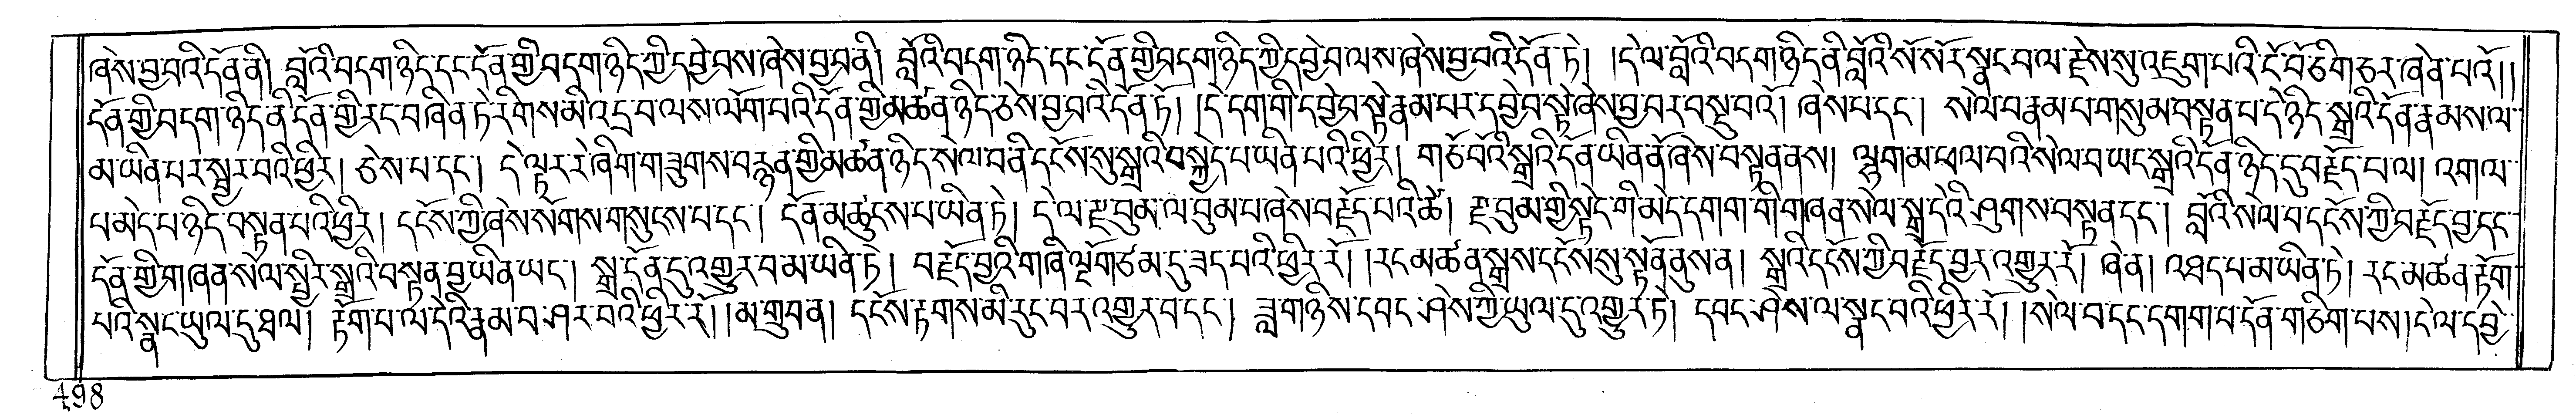ཞེས་བྱ་བའི་དོན་ནི། བློའི་བདག་ཉིད་དང་དོན་གྱི་བདག་ཉིད་ཀྱི་དབྱེ་བས་ཞེས་བྱ་བ་ནི། བློའི་བདག་ཉིད་དང་དོན་གྱི་བདག་ཉིད་ཀྱི་དབྱེ་བ་ལས་ཞེས་བྱ་བའི་དོན་ཏེ། །དེ་ལ་བློའི་བདག་ཉིད་ནི་བློའི་སོ་སོར་སྣང་བ་ལ་རྗེས་སུ་འཇུག་པའི་ངོ་བོ་ཅིག་ཅར་ཞེན་པའོ།།
དོན་གྱི་བདག་ཉིད་ནི་དོན་གྱི་རང་བཞིན་ཏེ་རིགས་མི་འདྲ་བ་ལས་ལོག་པའི་དོན་གྱི་མཚན་ཉིད་ཅེས་བྱ་བའི་དོན་ཏོ། །དེ་དག་གི་དབྱེ་བ་སྟེ་རྣམ་པར་དབྱེ་བ་སྟེ་ཞེས་བྱ་བར་བསྡུ་བའོ། ཞེས་པ་དང་། སེལ་བ་རྣམ་པ་གསུམ་བསྟན་པ་དེ་ཉིད་སྒྲའི་དོན་རྣམས་ལ་
མ་ཡིན་བར་སྦྱར་བའི་ཕྱིར། ཅེས་པ་དང་། དེ་ལྟར་རེ་ཞིག་གཟུགས་བརྙན་གྱི་མཚན་ཉིད་སེལ་བ་ནི་དངོས་སུ་སྒྲའི་བསྐྱེད་པ་ཡིན་པའི་ཕྱིར། གཙོ་བོའི་སྒྲའི་དོན་ཡིན་ནོ་ཞེས་བསྟན་ནས། ལྷག་མ་ཕལ་བའི་སེལ་བ་ཡང་སྒྲའི་དོན་ཉིད་དུ་བརྗོད་བ་ལ། འགལ་
བ་མེད་པ་ཉིད་བསྟན་བའི་ཕྱིར། དངོས་ཀྱི་ཞེས་སོགས་གསུངས་པ་དང་། དོན་མཚུངས་པ་ཡིན་ཏེ། དེ་ལ་རྫ་བུམ་ལ་བུམ་པ་ཞེས་བརྗོད་པའི་ཚེ། རྫ་བུམ་གྱི་སྟེང་གི་མེད་དགག་གི་གཞན་སེལ་སྒྲ་དེའི་ཤུགས་བསྟན་དང་། བློའི་སེལ་བ་དངོས་ཀྱི་བརྗོད་བྱ་དང་
དོན་གྱི་གཞན་སེལ་སྤྱིར་སྒྲའི་བསྟན་བྱ་ཡིན་ཡང་། སྒྲ་དོན་དུ་འགྱུར་བ་མ་ཡིན་ཏེ། བརྗོད་བྱའི་གཞི་ལྡོག་ཙམ་དུ་ཟད་པའི་ཕྱིར་རོ། །རང་མཚན་སྒྲས་དངོས་སུ་སྟོན་ནུས་ན། སྒྲའི་དངོས་ཀྱི་བརྗོད་བྱར་འགྱུར་རོ། ཞེ་ན། འཐད་པ་མ་ཡིན་ཏེ། རང་མཚན་རྟོག་
བའི་སྣང་ཡུལ་དུ་ཐལ། རྟོག་པ་ལ་དེའི་རྣམ་པ་ཤར་བའི་ཕྱིར་རོ། །མ་གྲུབ་ན། དངོས་རྟགས་མི་རུང་བར་འགྱུར་བ་དང་། ཟླ་གཉིས་དབང་ཤེས་ཀྱི་ཡུལ་དུ་འགྱུར་ཏེ། དབང་ཤེས་ལ་སྣང་བའི་ཕྱིར་རོ། །སེལ་བ་དང་དགག་པ་དོན་གཅིག་པས། དེ་ལ་དབྱེ་